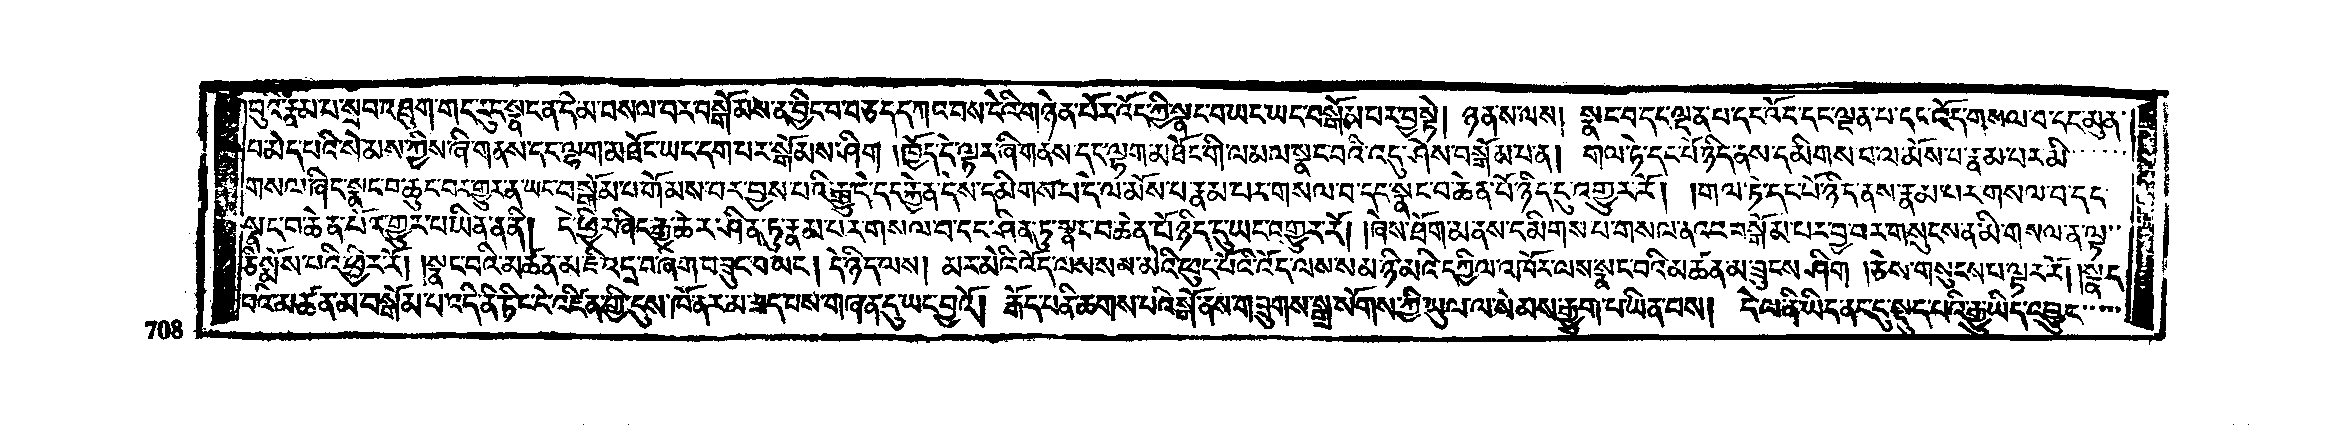བུའི་རྣམ་པ་སྲབ་འཐུག་གང་རུང་སྣང་ན་དེ་མ་བསལ་བར་བསྒོམས་ན་བྱིང་བ་བཅད་དཀའ་བས་དེའི་གཉེན་པོར་འོད་ཀྱི་སྣང་བ་ཡང་ཡང་བསྒོམ་པར་བྱ་སྟེ། ཉན་ས་ལས། སྣང་བ་དང་ལྡན་པ་དང་འོད་དང་ལྡན་པ་དང་འོད་གསལ་བ་དང་མུན་
པ་མེད་པའི་སེམས་ཀྱིས་ཞི་གནས་དང་ལྷག་མཐོང་ཡང་དག་པར་སྒོམས་ཤིག །ཁྱོད་དེ་ལྟར་ཞི་གནས་དང་ལྷག་མཐོང་གི་ལམ་ལ་སྣང་བའི་འདུ་ཤེས་བསྒོམ་པ་ན། གལ་ཏེ་དང་པོ་ཉིད་ནས་དམིགས་པ་ལ་མོས་པ་རྣམ་པར་མི་
གསལ་ཞིང་སྣང་བ་ཆུང་བར་གྱུར་ན་ཡང་བསྒོམ་པ་གོམས་པར་བྱས་པའི་རྒྱུ་དེ་དང་རྐྱེན་དེས་དམིགས་པ་དེ་ལ་མོས་པ་རྣམ་པར་གསལ་བ་དང་སྣང་བ་ཆེན་པོ་ཉིད་དུ་འགྱུར་རོ། །གལ་ཏེ་དང་པོ་ཉིད་ནས་རྣམ་པར་གསལ་བ་དང་
སྣང་བ་ཆེན་པོར་གྱུར་པ་ཡིན་ན་ནི། དེ་ཕྱིར་ཞིང་རྒྱ་ཆེར་ཤིན་ཏུ་རྣམ་པར་གསལ་བ་དང་ཤིན་ཏུ་སྣང་བ་ཆེན་པོ་ཉིད་དུ་ཡང་འགྱུར་རོ། །ཞེས་ཐོག་མ་ནས་དམིགས་པ་གསལ་ནའང་བསྒོམ་པར་བྱ་བར་གསུངས་ན་མི་གསལ་ན་ལྟ་
ཅི་སྨོས་པའི་ཕྱིར་རོ། །སྣང་བའི་མཚན་མ་ཇི་འདྲ་བ་ཞིག་བཟུང་བ་ཡང་། དེ་ཉིད་ལས། མར་མེའི་འོད་ལས་སམ་མེའི་ཕུང་པོའི་འོད་ལས་སམ་ཉི་མའི་དཀྱིལ་འཁོར་ལས་སྣང་བའི་མཚན་མ་ཟུངས་ཤིག །ཅེས་གསུངས་པ་ལྟར་རོ། །སྣང་
བའི་མཚན་མ་བསྒོམ་པ་འདི་ནི་ཏིང་ངེ་འཛིན་གྱི་དུས་ཁོ་ནར་མ་ཟད་པས་གཞན་དུ་ཡང་བྱའོ། །རྒོད་པ་ནི་ཆགས་པའི་སྒོ་ནས་གཟུགས་སྒྲ་སོགས་ཀྱི་ཡུལ་ལ་སེམས་རྒྱུག་པ་ཡིན་པས། དེ་ལ་ནི་ཡིད་ནང་དུ་སྡུད་པའི་རྒྱུ་ཡིད་འབྱུང་